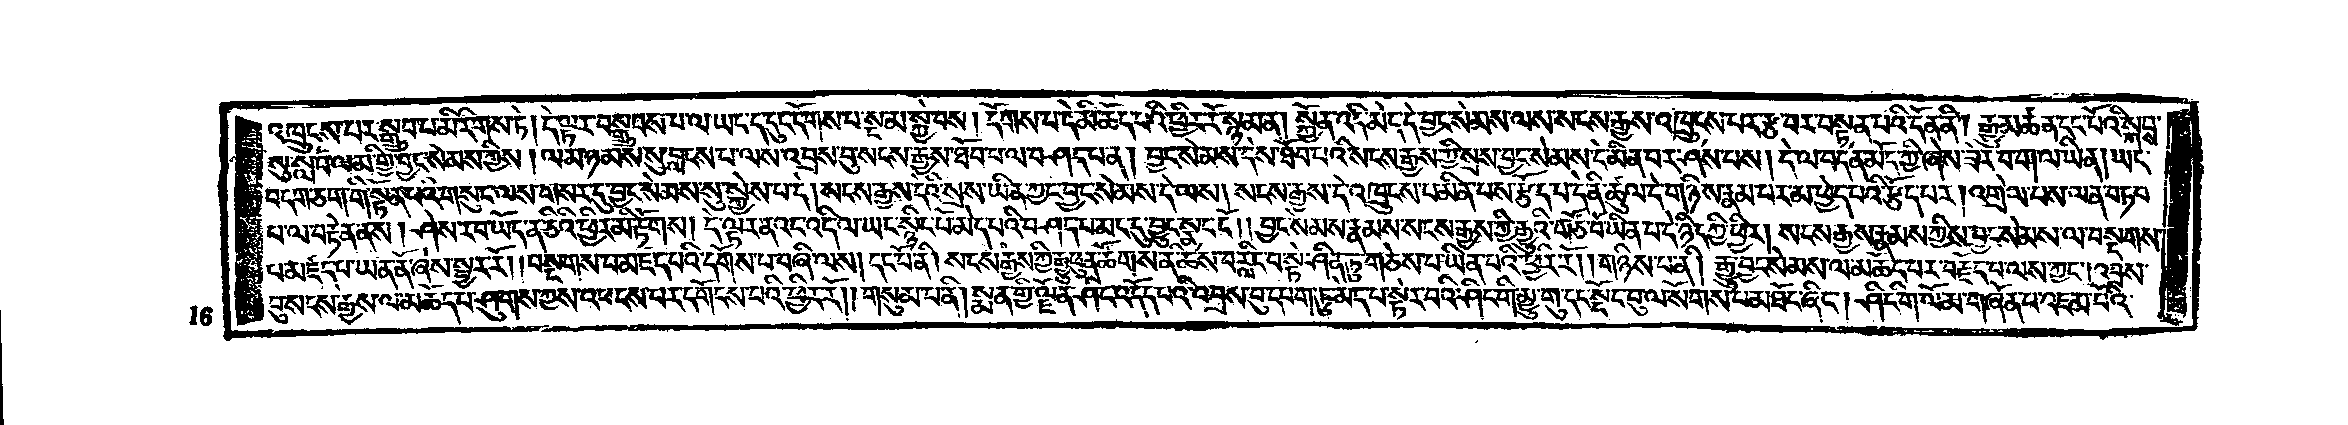འཁྲུངས་པར་སྒྲུབ་པ་མ་རིགས་ཏེ། དེ་ལྟར་བསྒྲུབས་པ་ལ་ཡང་ད་དུང་དོགས་པ་སྔ་མ་སྐྱེ་བས། དོགས་པ་དེ་མི་ཆོད་པའི་ཕྱིར་རོ་སྙམ་ན། སྐྱོན་འདི་མེད་དེ་བྱང་སེམས་ལས་སངས་རྒྱས་འཁྲུངས་པར་རྩ་བར་བསྟན་པའི་དོན་ནི། རྒྱུ་མཚན་དང་པོའི་སྐབས་
སུ་སློབ་ལམ་གྱི་བྱང་སེམས་ཀྱིས། ལམ་ཉམས་སུ་བླངས་པ་ལས་འབྲས་བུ་སངས་རྒྱས་ཐོབ་པ་ལ་བཤད་པ་ན། བྱང་སེམས་དེས་ཐོབ་པའི་སངས་རྒྱས་ཀྱི་སྲས་བྱང་སེམས་དེ་མིན་པར་ཤེས་པས། དེ་ལ་བདེན་མོད་ཀྱི་ཞེས་ཟེར་བ་ག་ལ་ཡིན། ཡང་
བདག་ཅག་གི་སྟོན་པའི་གསུང་ལས་གསར་དུ་བྱང་སེམས་སུ་སྐྱེས་པ་དེ། སངས་རྒྱས་དེའི་སྲས་ཡིན་ཀྱང་བྱང་སེམས་དེ་ལས། སངས་རྒྱས་དེ་འཁྲུངས་པ་མིན་པས་རྩོད་པ་དེ་ནི་ཚུལ་དེ་གཉིས་རྣམ་པར་མ་ཕྱེད་པའི་རྩོད་པར། འགྲེལ་པས་ལན་བཏབ་
པ་ལ་བརྟེན་ནས། ཤེས་རབ་ཡོད་ན་ཅིའི་ཕྱིར་མི་རྟོགས། དེ་ལྟར་ནའང་འདི་ལ་ཡང་སྙིང་པོ་མེད་པའི་བཤད་པ་མང་དུ་བྱུང་སྣང་ངོ། །བྱང་སེམས་རྣམས་སངས་རྒྱས་ཀྱི་རྒྱུའི་གཙོ་བོ་ཡིན་པ་དེ་ཉིད་ཀྱི་ཕྱིར། སངས་རྒྱས་རྣམས་ཀྱིས་བྱང་སེམས་ལ་བསྔགས་
པ་མཛད་པ་ཡིན་ནོ་ཞེས་སྦྱར་རོ། །བསྔགས་པ་མཛད་པའི་དགོས་པ་བཞི་ལས། དང་པོ་ནི། སངས་རྒྱས་ཀྱི་རྒྱུ་ཕུན་ཚོགས་ནི་ཆེས་བརླིང་བ་སྟེ་ཤིན་ཏུ་གཅེས་པ་ཡིན་པའི་ཕྱིར་རོ། །གཉིས་པ་ནི། རྒྱུ་བྱང་སེམས་ལ་མཆོད་པར་བརྗོད་པ་ལས་ཀྱང་། འབྲས་
བུ་སངས་རྒྱས་ལ་མཆོད་པ་ཤུགས་ཀྱིས་འཕངས་པར་དགོངས་པའི་ཕྱིར་རོ། །གསུམ་པ་ནི། སྨན་གྱི་ལྗོན་ཤིང་འདོད་པའི་འབྲས་བུ་དཔག་ཏུ་མེད་པ་སྟེར་བའི་ཤིང་གི་མྱུ་གུ་དང་སྡོང་བུ་ལ་སོགས་པ་མཐོང་ཞིང་། ཤིང་གི་ལོ་མ་གཞོན་པ་འཇམ་པོའི་